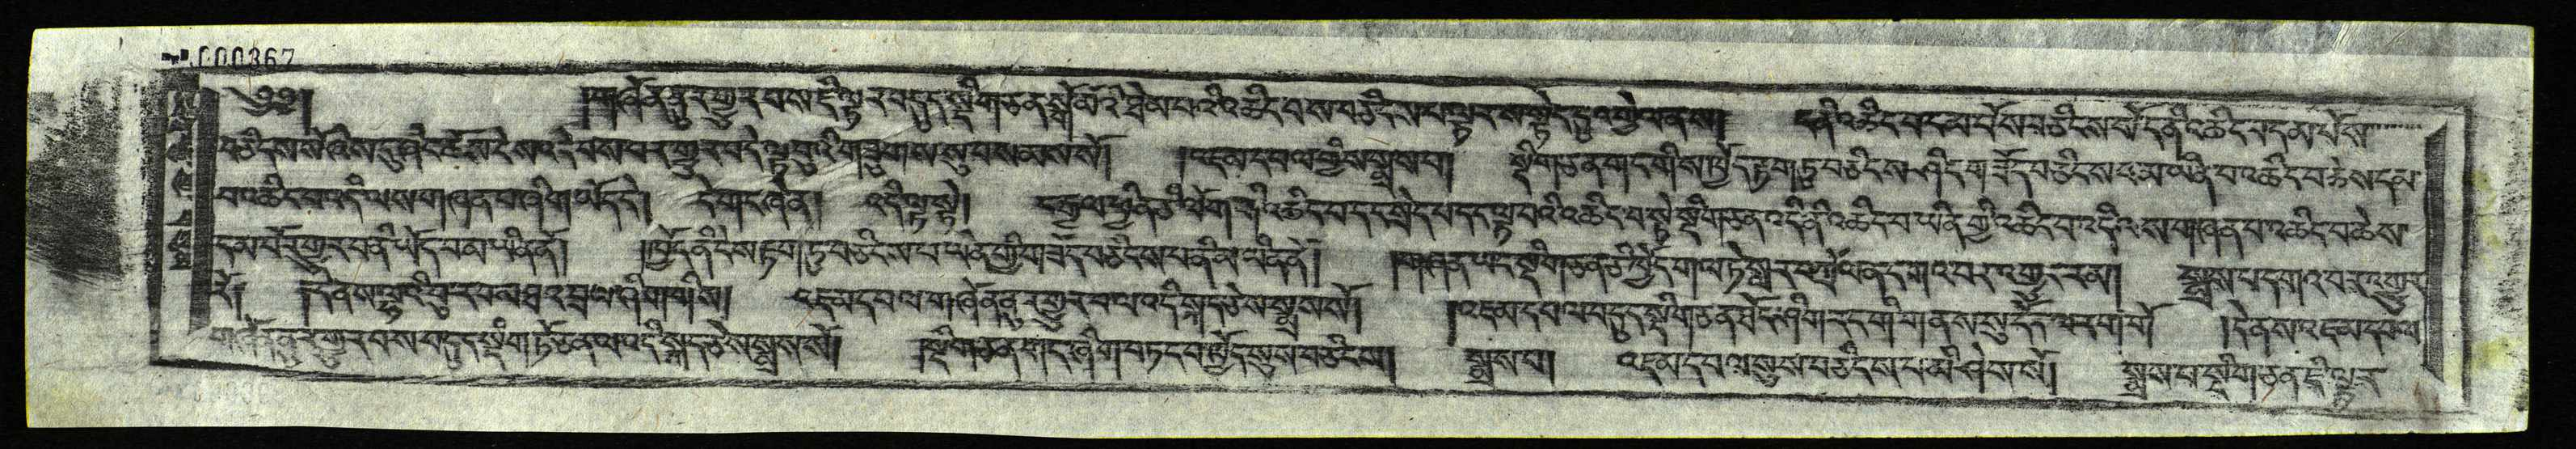༄༅། །གཞོན་ནུར་གྱུར་པས་ཇི་ལྟར་བདུད་སྡིག་ཅན་སྒོ་མོའི་ཐེམ་པའི་འཆིང་བས་བཅིངས་པ་ལྟར་ས་སྟེང་དུ་འགྱེལ་ནས། ང་ནི་འཆིང་བ་དམ་པོས་བཅིངས་སོ་ད་ནི་འཆིང་བ་དམ་པོས་
བཅིངས་སོ་ཞེས་དུ་ཞིང་ཆོས་ངེས་འདེབས་བར་གྱུར་པ་དེ་ལྟ་བུའི་གཟུགས་སུ་བསམས་སོ། །འཇམ་དཔལ་གྱིས་སྨྲས་པ། སྡིག་ཅན་གང་གིས་ཁྱོད་རྟག་ཏུ་བཅིངས་ཤིང་གཟོད་བཅིངས་པ་མ་ཡིན་པ་འཆིང་བ་ཆེས་དམ་
པ་འཆིང་བ་འདི་ལས་གཞན་པ་ཞིག་ཡོད་དེ། དེ་གང་ཞེ་ན། འདི་ལྟ་སྟེ། ང་རྒྱལ་ཕྱིན་ཅི་ལོག་གི་འཆིང་བ་དང་སྲེད་པ་དང་ལྟ་བའི་འཆིང་བ་སྟེ་སྡིག་ཅན་འདི་ནི་འཆིང་བ་ཡིན་གྱི་འཆིང་བ་འདི་ལས་གཞན་པ་འཆིང་བ་ཆེས་
དམ་པོར་གྱུར་བ་ནི་ཡོད་པ་མ་ཡིན་ནོ། །ཁྱོད་ནི་ངེས་རྟག་ཏུ་བཅིངས་པ་ཡིན་གྱི་གཟོད་བཅིངས་པ་ནི་མ་ཡིན་ནོ། །གཞན་ཡང་སྡིག་ཅན་ཅི་ཁྱོད་གལ་ཏེ་སླར་བཀྲོལ་ན་དགའ་བར་འགྱུར་རམ། སྨྲས་པ་དགའ་བར་འགྱུར་
རོ༑ ༑དེ་ནས་ལྷའི་བུ་རབ་མཐའ་བྲལ་ཞིག་གིས། འཇམ་དཔལ་གཞོན་ནུར་གྱུར་པ་ལ་འདི་སྐད་ཅེས་སྨྲས་སོ། །འཇམ་དཔལ་བདུད་སྡིག་ཅན་ཐོང་ཤིག་རང་གི་གནས་སུ་དོད་ལ་རག་གོ །དེ་ནས་འཇམ་དཔལ་
གཞོན་ནུར་གྱུར་བས་བདུད་སྡིག་ཏོ་ཅན་ལ་འདི་སྐད་ཅེས་སྨྲས་སོ། །སྡིག་ཅན་གང་ཞིག་བཏང་བ་ཁྱོད་སུས་བཅིངས། སྨྲས་པ། འཇམ་དཔལ་སུས་བཅིངས་པ་མི་ཤེས་སོ། སྨྲས་པ་སྡིག་ཅན་ཇི་ལྟར་